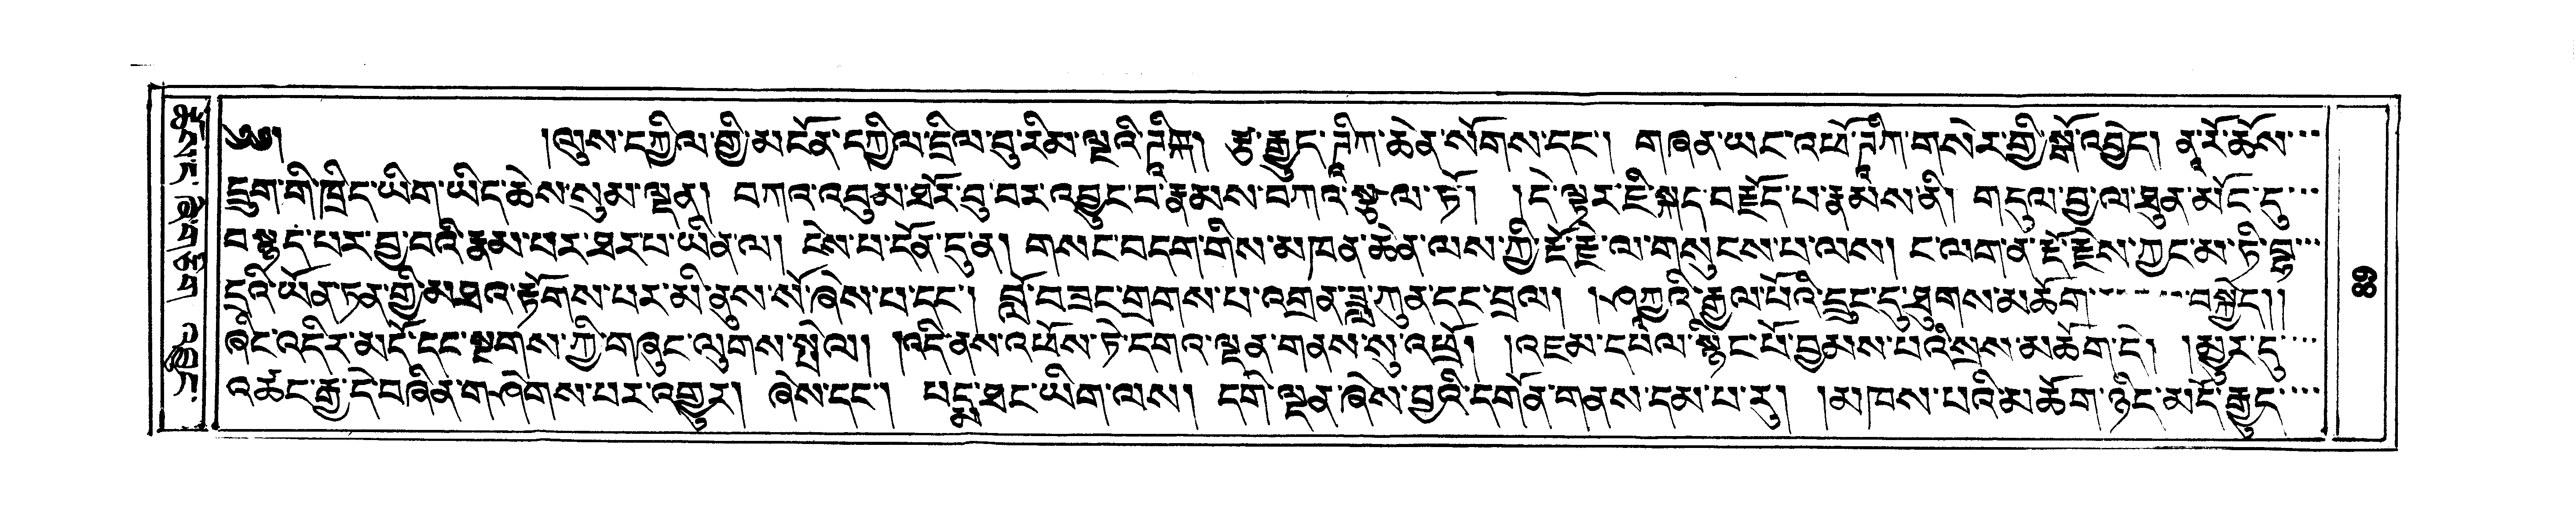༄༅། །ལུས་དཀྱིལ་གྱི་མངོན་དཀྱིལ་དྲིལ་བུ་རིམ་ལྔའི་ཊཱིཀྐ། རྩ་རྒྱུད་ཊཱིཀ་ཆེན་སོགས་དང་། གཞན་ཡང་འཕོ་ཊཱིཀ་གསེར་གྱི་སྒོ་འབྱེད། ནཱ་རོ་ཆོས་
དྲུག་གི་ཁྲིད་ཡིག་ཡིད་ཆེས་སུམ་ལྡན། བཀའ་འབུམ་ཐོར་བུ་བར་འབྱུང་བ་རྣམས་བཀའ་སྩལ་ཏོ། །དེ་ལྟར་ཇི་སྐད་བརྗོད་པ་རྣམས་ནི། གདུལ་བྱ་ལ་ཐུན་མོང་དུ་
བསྙད་པར་བྱ་བའི་རྣམ་པར་ཐར་པ་ཡིན་ལ། ངེས་པ་དོན་དུ་ན། གསང་བདག་གིས་མཁན་ཆེན་ལས་ཀྱི་རྡོ་རྗེ་ལ་གསུངས་པ་ལས། ང་ལག་ན་རྡོ་རྗེས་ཀྱང་མ་ཏི་བྷ་
དྲའི་ཡོན་ཏན་གྱི་མཐའ་རྟོགས་པར་མི་ནུས་སོ་ཞེས་པ་དང་། བློ་བཟང་གྲགས་པ་འགྲན་ཟླ་ཀུན་དང་བྲལ། །ཤཱཀྱའི་རྒྱལ་པོའི་དྲུང་དུ་ཐུགས་མཆོག་བསྐྱེད། །
ཞིང་འདིར་མདོ་དང་སྔགས་ཀྱི་གཞུང་ལུགས་སྤེལ། །འདི་ནས་འཕོས་ཏེ་དགའ་ལྡན་གནས་སུ་འཕྲོ། །འཇམ་དཔལ་སྙིང་པོ་བྱམས་པའི་སྲས་མཆོག་དེ། །མྱུར་དུ་
འཚང་རྒྱ་དེ་བཞིན་གཤེགས་པར་འགྱུར། ཞེས་དང་། པདམ་ཐང་ཡིག་ལས། དགེ་ལྡན་ཞེས་བྱའི་དགོན་གནས་དམ་པ་རུ། །མཁས་པའི་མཆོག་ཉིད་མདོ་རྒྱུད་